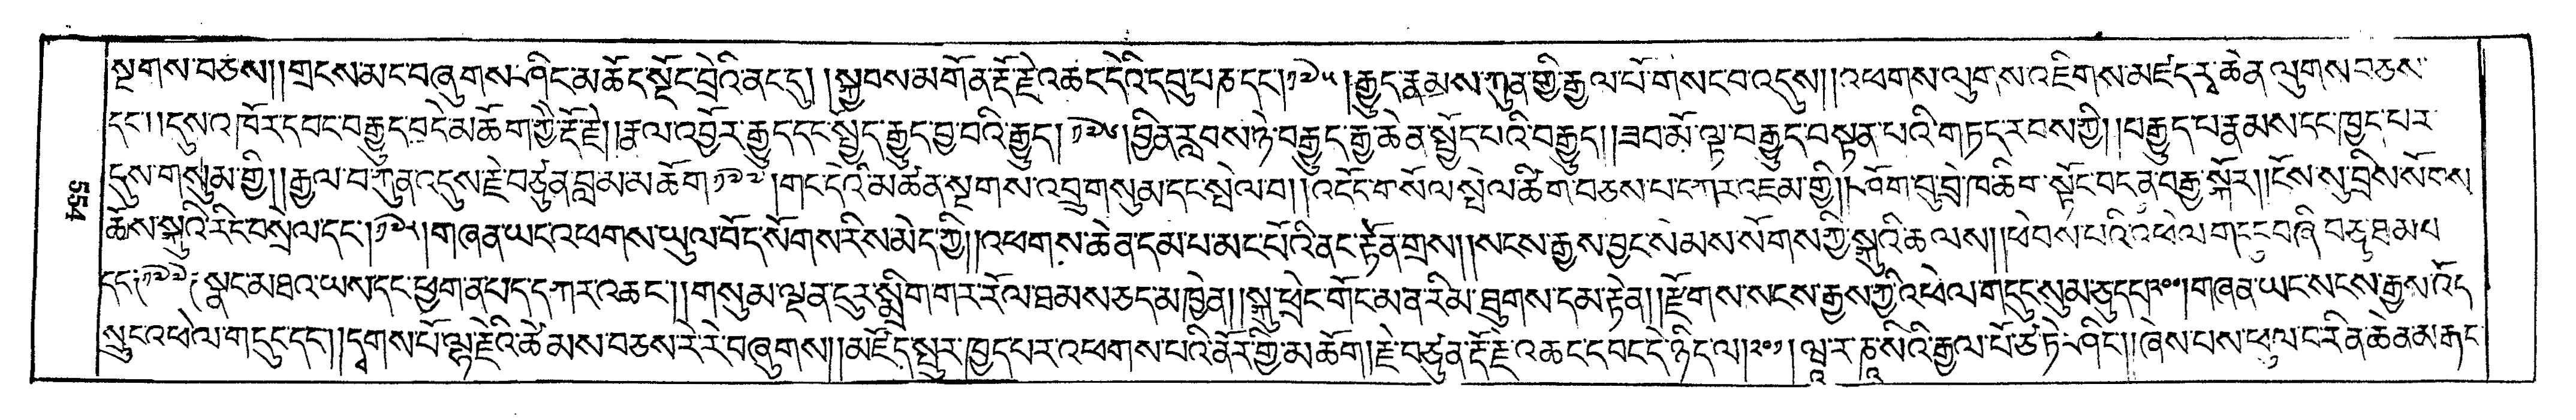སྔགས་བཅས། །གྲངས་མང་བཞུགས་ཤིང་མཆོད་སྡོང་བྲེའི་ནང་དུ། །སྐྱབས་མགོན་རྡོ་རྗེ་འཆང་དེའི་དབུ་པཎ་དང་། ༡༧༥་།རྒྱུད་རྣམས་ཀུན་གྱི་རྒྱལ་པོ་གསང་བ་འདུས། །འཕགས་ལུགས་འཇིགས་མཛད་རྭ་ཆེན་ལུགས་བཅས་
དང་། །དུས་འཁོར་དབང་བརྒྱུད་བདེ་མཆོག་ཀྱཻ་རྡོ་རྗེ། །རྣལ་འབྱོར་རྒྱུད་དང་སྤྱོད་རྒྱུད་བྱ་བའི་རྒྱུད། ༡༧༦་།བྱིན་རླབས་ཉེ་བརྒྱུད་རྒྱ་ཆེན་སྤྱོད་པའི་བརྒྱུད། །ཟབ་མོ་ལྟ་བརྒྱུད་བསྟན་པའི་གཏང་རབས་ཀྱི། །བརྒྱུད་པ་རྣམས་དང་ཁྱད་པར་
དུས་གསུམ་གྱི། །རྒྱལ་བ་ཀུན་འདུས་རྗེ་བཙུན་བླ་མ་མཆོག ༡༧༧་།གང་དེའི་མཚན་སྔགས་འབྲུ་གསུམ་དང་སྤེལ་བ། །འདོད་གསོལ་སྤེལ་ཚིག་བཅས་པ་དཀར་འཇམ་གྱི། །ཤོག་པུ་བྲེ་ཁ་ཆིག་སྟོང་བདུན་བརྒྱ་སྐོར། །ངོས་སུ་བྲིས་སོགས་
ཆོས་སྐུའི་རིང་བསྲེལ་དང་། ༡༧༨་།གཞན་ཡང་འཕགས་ཡུལ་བོད་སོགས་རིས་མེད་ཀྱི། །འཕགས་ཆེན་དམ་པ་མང་པོའི་ནང་རྟན་གྲས། །སངས་རྒྱས་བྱང་སེམས་སོགས་ཀྱི་སྐུའི་ཆ་ལས། །ཕེབས་པའི་འཕེལ་གདུང་བཞི་བཅུ་ཐམ་པ་
དང༑ ༡༧༧་༑སྨང་མཐའ་ཡས་དང་ཕྱག་ན་པད་དཀར་འཆང་། །གསུམ་ལྡན་དུར་སྨྲིག་གར་རོལ་ཐམས་ཅད་མཁྱེན། །སྐུ་ཕྲེང་གོང་མན་རིམ་ཐུགས་དམ་རྟེན། །རྫོགས་སངས་རྒྱས་ཀྱི་འཕེལ་གདུང་སུམ་ཅུ་དང་། ༢༨༠་།གཞན་ཡང་སངས་རྒྱས་འོད་
སྲུང་འཕེལ་གདུང་དང་། །དྭགས་བོ་ལྷ་རྗེའི་ཚེམས་བཅས་རེ་རེ་བཞུགས། །མཛོད་སྤུར་ཁྱད་པར་འཕགས་པའི་ནོར་གྱི་མཆོག །རྗེ་བཙུན་རྡོ་རྗེ་འཆང་དབང་དེ་ཉིད་ལ། ༢༠༡་།ཝཱ་ར་ཎཱ་སིའི་རྒྱལ་པོ་ཙེ་ཏེ་ཤིང་། །ཞེས་པས་ཕུལ་བ་རིན་ཆེན་མརྒད་